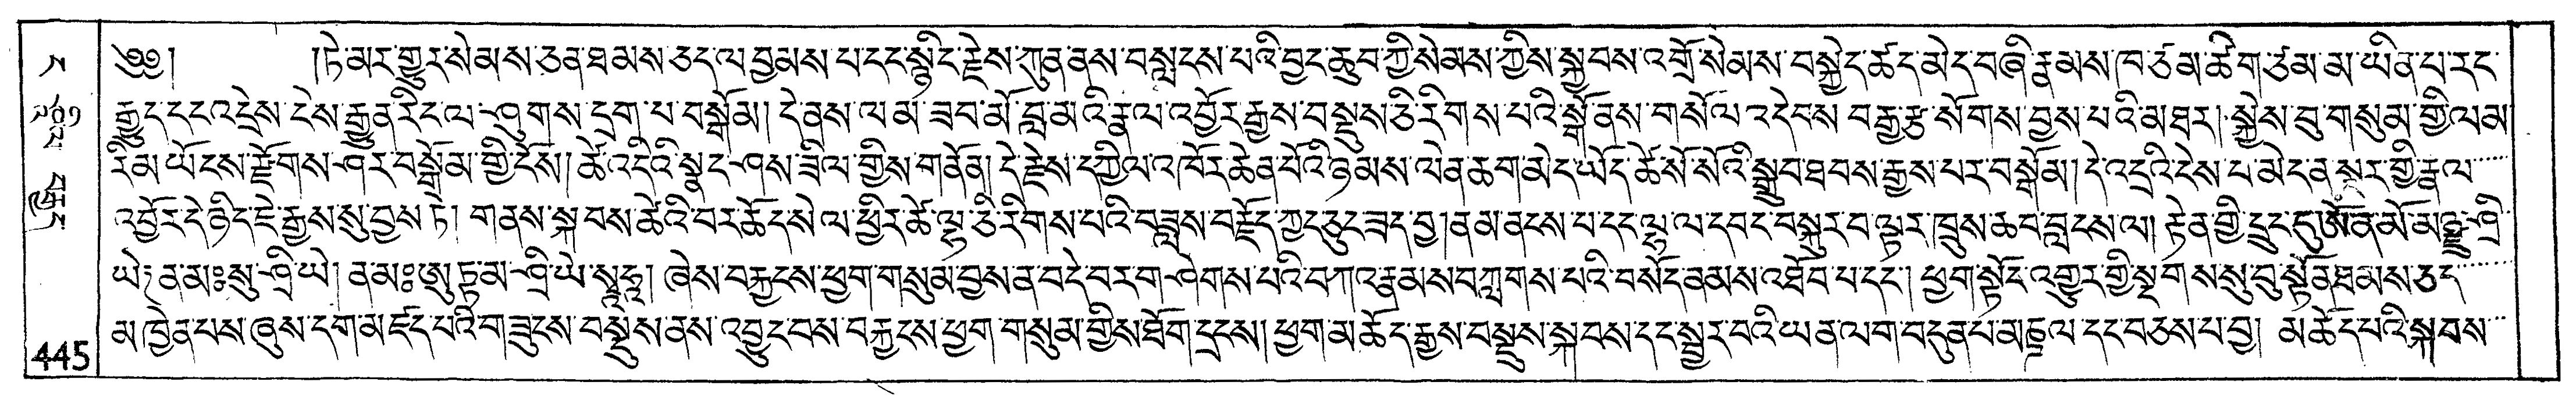༄༅། །ཏེ་མར་གྱུར་སེམས་ཅན་ཐམས་ཅད་ལ་བྱམས་པ་དང་སྙིང་རྗེས་ཀུན་ནས་བསླངས་པའི་བྱང་ཆུབ་ཀྱི་སེམས་ཀྱིས་སྐྱབས་འགྲོ་སེམས་བསྐྱེད་ཚད་མེད་བཞི་རྣམས་ཁ་ཙམ་ཚིག་ཙམ་མ་ཡིན་པ་རང་
རྒྱུད་དང་འདྲེས་ངེས་རྒྱུན་རིང་ལ་ཤུགས་དྲག་པ་བསྒོམ། དེ་ནས་ལམ་ཟབ་མོ་བླ་མའི་རྣལ་འབྱོར་རྒྱས་བསྡུས་ཅི་རིགས་པའི་སྒོ་ནས་གསོལ་འདེབས་བརྒྱ་རྩ་སོགས་བྱས་པའི་མཐར། སྐྱེས་བུ་གསུམ་གྱི་ལམ་
རིམ་ཡོངས་རྫོགས་ཤར་བསྒོམ་གྱི་ངོས། ཚེ་འདིའི་སྣང་ཤས་ཟིལ་གྱིས་གནོན། དེ་རྗེས་དཀྱིལ་འཁོར་ཆེན་པོའི་ཉམས་ལེན་ཆག་མེད་ཡོད་ཚེ་སོ་སོའི་སྒྲུབ་ཐབས་རྒྱས་པར་བསྒོམ། དེ་འདྲའི་ངེས་པ་མེད་ན་སྔར་གྱི་རྣལ་
འབྱོར་དེ་ཉིད་ཇེ་རྒྱས་སུ་བྱས་ཏེ། གནས་སྐབས་ཚེའི་བར་ཆོད་སེལ་ཕྱིར་ཚེ་ལྷ་ཅི་རིགས་པའི་བཟླས་བརྗོད་ཀྱང་ཅུང་ཟད་བྱ། ནམ་ནངས་པ་དང་ལྷ་ལ་དབང་བསྐུར་བ་ལྟར་ཁྲུས་ཆབ་བླངས་ལ། རྟེན་གྱི་དྲུང་དུ་ཨོཾ་ན་མོ་མཉྫུ་ཤྲི་
ཡེ༑ ན་མཿ སུ་ཤྲི་ཡེ། ན་མཿ ཨུཏྟ་མ་ཤྲི་ཡེ་སྭཱཧཱ། ཞེས་བརྐྱངས་ཕྱག་གསུམ་བྱས་ན་བདེ་བར་གཤེགས་པའི་བཀའ་རྣམས་བཀླགས་པའི་བསོད་ནམས་འཐོབ་པ་དང་། ཕྱག་སྟོང་འགྱུར་གྱི་སྔགས་སུ་བུ་སྟོན་ཐམས་ཅད་
མཁྱེན་པས་ཞུས་དག་མཛད་པའི་གཟུངས་བསྡུས་ནས་འབྱུང་བས་བརྐྱངས་ཕྱག་གསུམ་གྱིས་ཐོག་དྲངས། ཕྱག་མཆོད་རྒྱས་བསྡུས་སྐབས་དང་སྦྱར་བའི་ཡན་ལག་བདུན་པ་མཎྜལ་དང་བཅས་པ་བྱ། མཆོད་པའི་སྐབས་